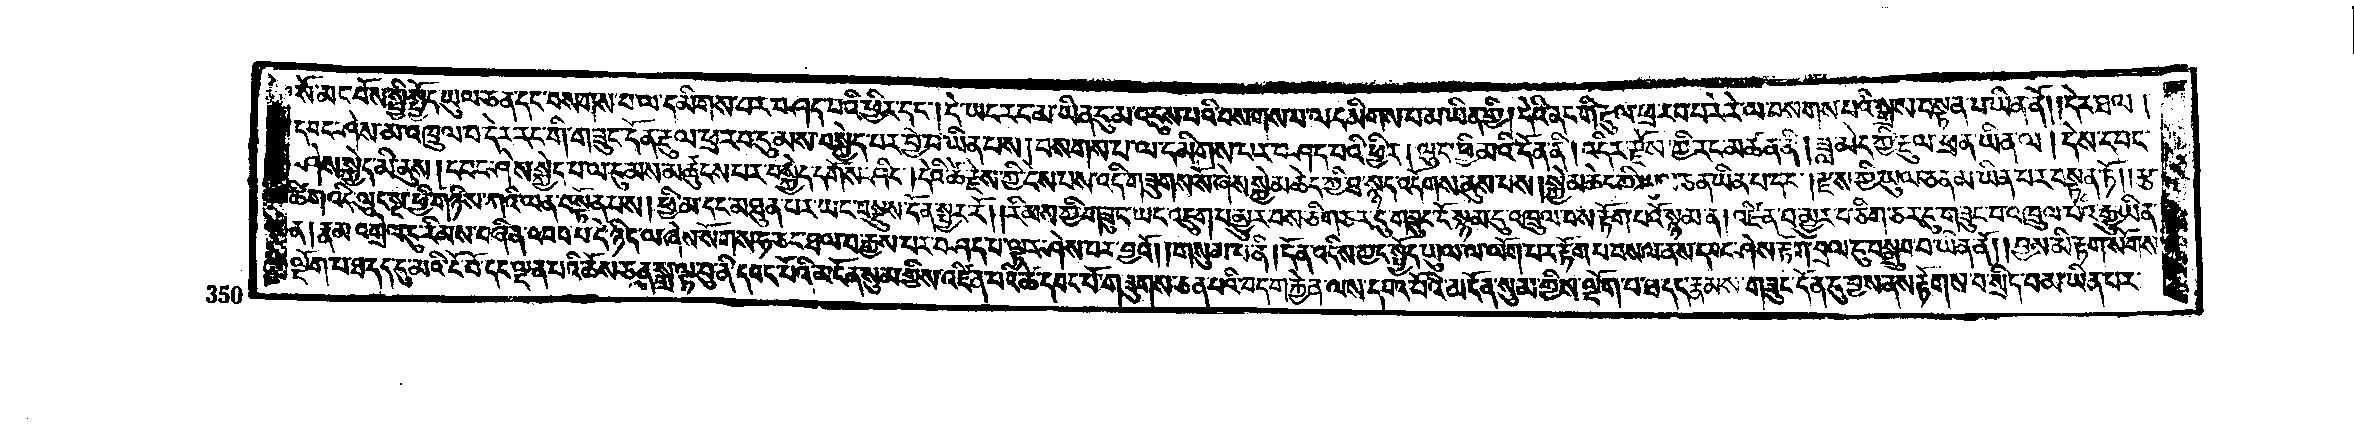སོ་མང་པོས་སྤྱི་སྤྱོད་ཡུལ་ཅན་དང་བསགས་པ་ལ་དམིགས་པར་བཤད་པའི་ཕྱིར་དང་། དེ་ཡང་རང་མ་ཡིན་དུ་མ་འདུས་པའི་བསགས་པ་ལ་དམིགས་པ་མ་ཡིན་གྱི། དེའི་ནང་གི་རྡུལ་ཕྲ་རབ་པ་རེ་རེ་ལ་བསགས་པའི་སྒྲས་བསྟན་པ་ཡིན་ནོ། །དེར་ཐལ།
དབང་ཤེས་མ་འཁྲུལ་བ་དེར་རང་གི་གཟུང་དོན་རྡུལ་ཕྲ་རབ་དུ་མས་བསྐྱེད་པར་བྱ་བ་ཡིན་པས། བསགས་པ་ལ་དམིགས་པར་བཤད་པའི་ཕྱིར། ལུང་ཕྱི་མའི་དོན་ནི། འདིར་རྫོས་ཀྱི་རང་མཚན་ནི། ཟླ་མེད་ཀྱི་རྡུལ་ཕྲན་ཡིན་ལ། དེས་དབང་
ཤེས་སྐྱེད་མི་ནུས། དབང་ཤེས་སྐྱེད་པ་ལ་དུ་མས་མཚུངས་པར་བསྐྱེད་དགོས་ཤིང་། དེའི་ཚེ་རྗེས་ཀྱི་ངེས་པས་འདི་གཟུགས་སོ་ཞེས་སྐྱེ་མཆེད་ཀྱི་ཐ་སྙད་འདོགས་ནུས་པས། སྐྱེ་མཆེད་ཀྱི་ཡུལ་ཅན་ཡི་པ་དང་། རྫས་ཀྱི་ཡུལ་ཅན་མ་ཡིན་པར་བསྟན་ཏོ། །རྩ་
ཚིག་འདི་ལུང་སྔ་ཕྱི་གཉིས་ཀའི་ལན་བསྟོན་པས། ཕྱི་མ་དང་མཐུན་པར་ཡང་བསྡུས་དོན་སྤྱར་རོ། །རིམས་ཀྱི་གཟུང་ཡང་འཇུག་པ་མྱུར་བས་ཅིག་ཅར་དུ་གཟུང་ངོ་སྙམ་དུ་འཁྲུལ་བས་རྟོག་པའོ་སྙམ་ན། འཛིན་བ་མྱུར་བ་ཅིག་ཅར་དུ་གཟུང་བ་འཁྲུལ་བའི་རྒྱུ་ཡིན་
ན། རྣམ་འགྲེལ་དུ་རིམས་བཞིན་འབབ་པ་དེ་ཉིད་ལ་ཞེས་སོགས་ཧ་ཅང་ཐལ་བ་རྒྱས་པར་བཤད་པ་ལྟར་ཤེས་པར་བྱའོ། །གསུམ་པ་ནི། དོན་འདིས་ཀྱང་སྤྱོད་ཡུལ་ལ་ལོག་པར་རྟོག་པ་བསལ་ནས་དབང་ཤེས་རྟོག་བྲལ་དུ་བསྒྲུབ་པ་ཡིན་ནོ། །བྱས་མི་རྟག་སོགས་
ལྡོག་པ་ཐ་དད་དུ་མའི་ངོ་བོ་དང་ལྡན་པའི་ཆོས་ཅན་སྒྲ་ལྟ་བུ་ནི་དབང་པོའི་མངོན་སུམ་གྱིས་འཛིན་པའི་ཚེ་དབང་པོ་གཟུགས་ཅན་པའི་བདག་རྐྱེན་ལས་དཔའ་བོའི་མངོན་སུམ་གྱིས་ལྡོག་པ་ཐ་དད་རྣམས་གཟུང་དོན་དུ་བྱས་ནས་རྟོགས་པ་སྲིད་པ་མ་ཡིན་པར་